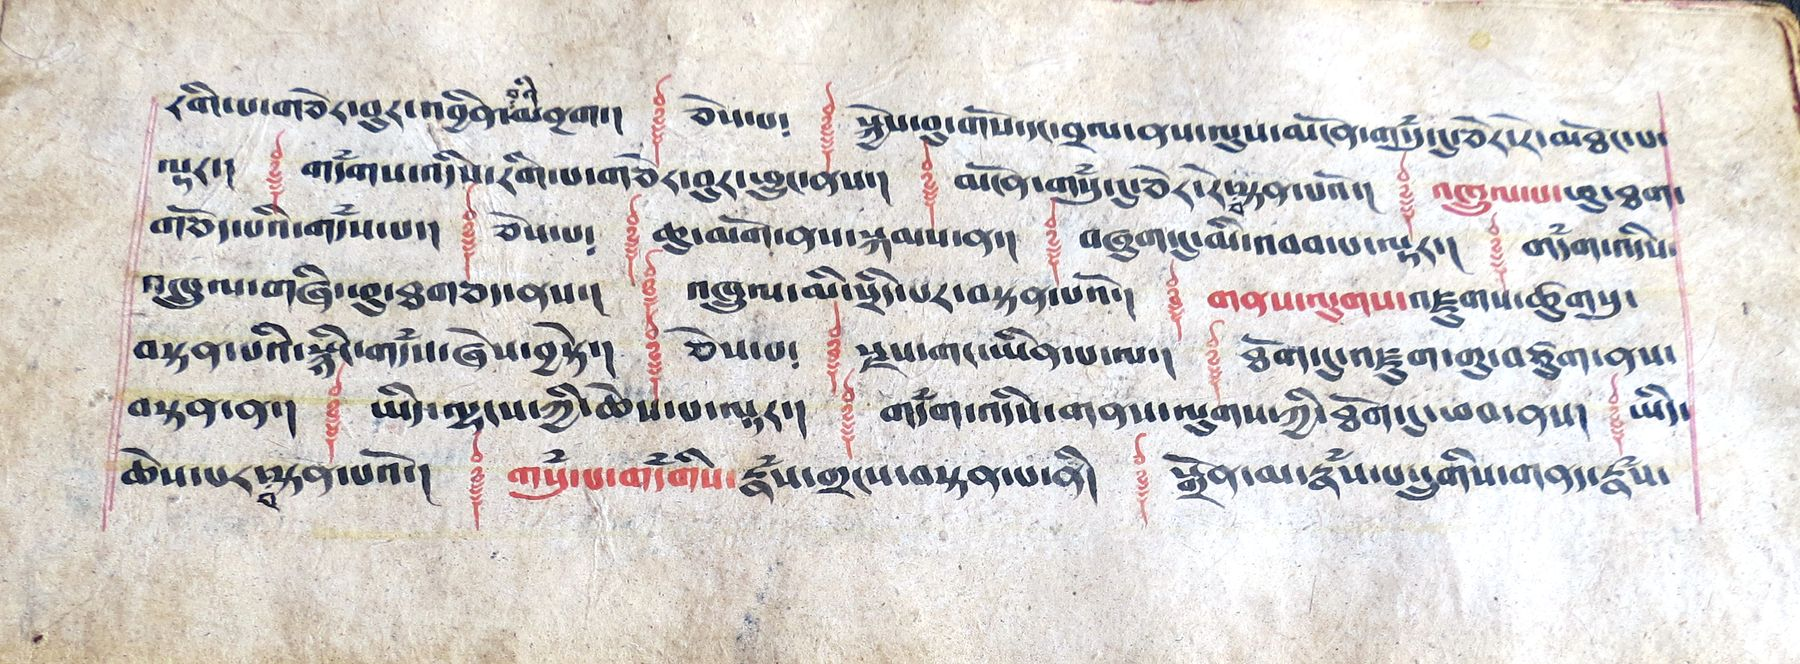རིག་པ་གཅེར་བུར་འབྱིན་པའི་མན་ངག །ཅེས་པས་སྐྱེས་བུ་གོས་དང་བྲལ་ན་ལུས་མངོན་དུ་ཅེར་རེ་མཐོང་བ་
ལྟར། གདམས་ངག་འདིས་རིག་པ་གཅེར་བུར་ཕྱུང་ནས། མངོན་གསུམ་དུ་ཅེར་རེ་སྟོན་པའོ། །འཁྲུལ་བ་ཕུ་ཐག་
གཅོད་པའི་གདམས་པ་ཞེས་པས། ཆུ་འགོ་ནས་སྐམས་ན་གཞུག་ཏུ་མི་འབབ་པ་ལྟར། གདམས་ངག་འདིས་
འཁྲུལ་གཞི་ཕུ་ཐག་གཅད་ནས། འཁྲུལ་མི་སྲིད་པར་བསྟན་པའོ། །གནས་ལུགས་མཛུབ་ཚུགས་སུ་
སྟོན་པའི་སྙིང་གཏམ་ཞེས་བྱ་སྟེ། །ཞེས་པས་རྫས་གང་ཡིན་པ་ལ། ཐོག་ཏུ་མཛུ་གུ་བཙུག་ནས་
བསྟན་ན། ཡིད་ལྷང་གིས་ཆེས་པ་ལྟར། གདམས་ངག་འདིས་གནས་ལུགས་ཀྱི་ཐོག་ཏུ་ཕབ་ནས་ཡིད་
ཆེས་པར་སྟོན་པའོ། །གསུམ་པ་གདམས་ངག་གི་རྣམ་གྲངས་བསྟན་པ་ནི། སྒྲོན་མ་རྣམ་པ་དྲུག་གིས་གནད་རྣམ་